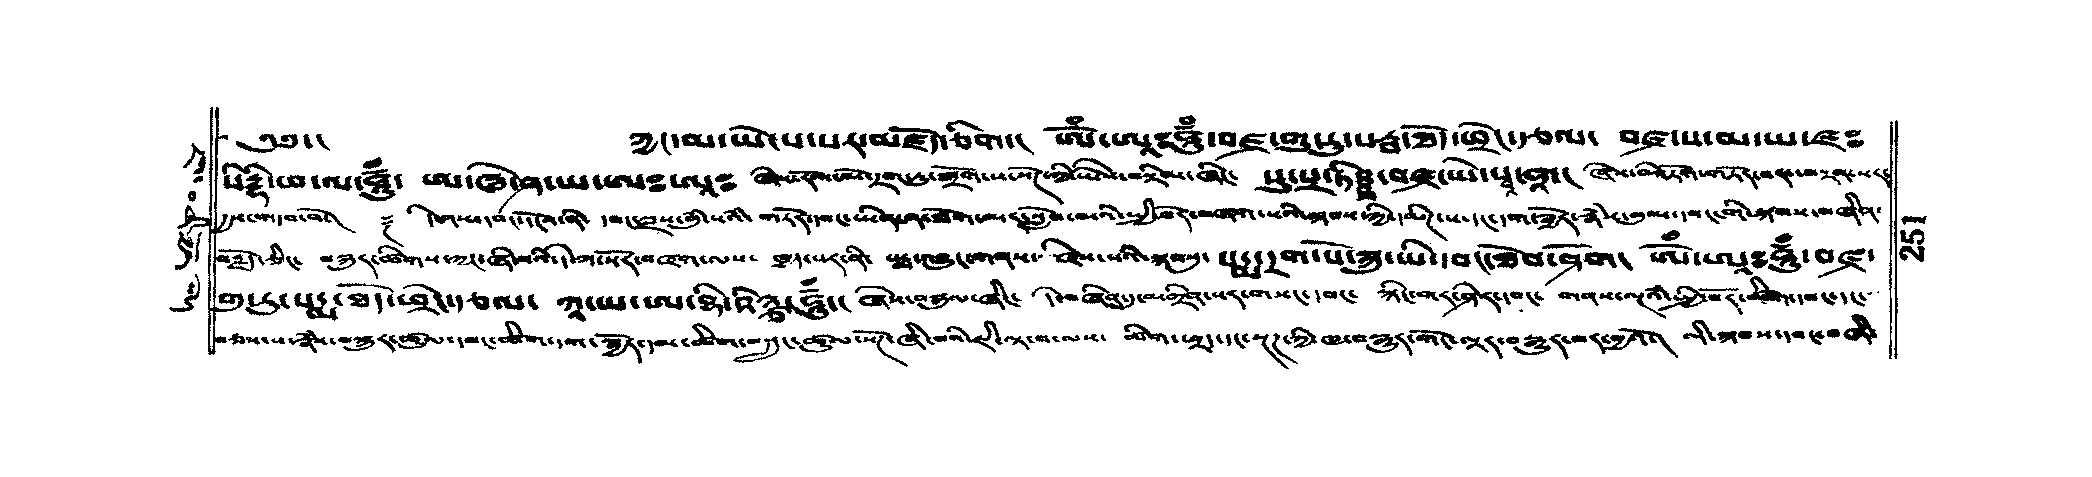ཀྱང་མ་ཡེངས་པར་མཛོད་ཅིག་ཨོྃ་ཨཱཿཧཱུྃ་བཛྲ་གུ་རུ་སརྦ་ཐོད་ཕྲེང་རྩལ་བཛྲ་ས་མ་ཡ་ཛཿ 
སིདྡྷི་ཕ་ལ་ཧཱུྃ། ཨ་ཝེ་ཤ་ཡ་ཨཿཨཱཿ ཞེས་རོལ་མོ་དྲག་ཏུ་སྒྲོག་པ་སོགས་ཀྱི་ཡེ་ཤེས་བསྟིམ་ཞིང་། སུ་པྲ་ཏིཥྠ་བཛྲ་ཡེ་སྭཱ་ཧཱ། 1$1000180 ཞེས་མེ་ཏོག་གཏོར་བར་བསྟན་པར་
རྒྱས་གདབ་བོ། ༈ དེ་ནས་དབང་དངོས་ནི། དབང་རྫས་བུམ་པའམ་གཏོར་དབང་ཡིན་ན་ཐོག་མར་སློབ་མའི་སྤྱི་བོར་བཞག་པའི་སྐབས་ཀྱི་དམིགས་པ་དང་དག་སྦྱོར་རྣམས་བུམ་དབང་གི་སྐབས་བཞིན་
བརྗོད་ཅིང་། བསྐུར་ཚིག་ཀྱང་ཞི་བའི་དེ་ཀ་སོར་བཞག་ལས། ཁྱད་པར་ནི་པདྨ་འབྱུང་གནས་ཞེས་པའི་སྐབས་སུ་པདྨ་དྲག་པོ་སྐུ་ཡི་དབང་ཐོབ་ཤོག་ཨོྃ་ཨཱཿཧཱུྃ་བཛྲ་
གུ་རུ་པདྨ་ཐོད་ཕྲེང་རྩལ་ཀཱ་ཡ་ཨ་བྷི་རིཉྩ་ཧཱུྃ། 1$1000180 ཞེས་བསྐུལ་ཞིང་། དེ་བཞིན་དུ་མགྲིན་པར་གསང་དབང་། སྙིང་གར་ཤེར་དབང་། གནས་ལྔའམ་སྤྱི་བོར་ཚིག་དབང་དང་
བཅས་པ་རྣམས་བསྐུར་ཚུལ་དབང་ཚིག་དག་སྦྱོར་དམ་ཚིག་བསྲུང་ཚུལ་སོགས་ཞི་བའི་ཇི་ལྟ་བ་ལས། ཚིག་ཕྲད་དང་སྔགས་ཀྱི་ཁ་བསྒྱུར་བར་བྱའོ། འདི་སྐབས་དབང་བཞི་